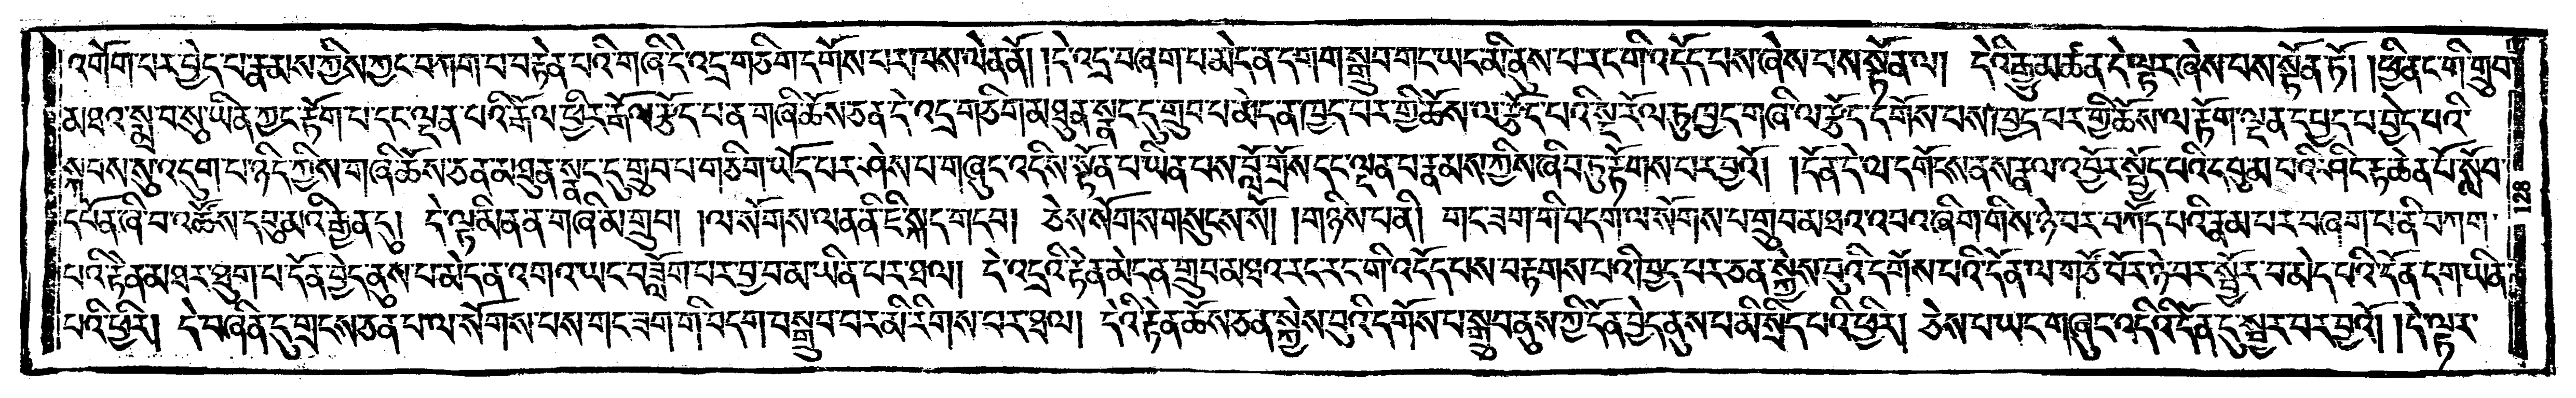འགོག་པར་བྱེད་པ་རྣམས་ཀྱིས་ཀྱང་བཀག་པ་བརྟེན་པའི་གཞི་དེ་འདྲ་གཅིག་དགོས་པར་ཁས་ལེན་ནོ། །དེ་འདྲ་བཞག་པ་མེད་ན་དགག་སྒྲུབ་གང་ཡང་མི་ནུས་པ་རང་གི་འདོད་པས་ཞེས་བས་སྟོན་ལ། དེའི་རྒྱུ་མཚན་དེ་ལྟར་ཞེས་པས་སྟོན་ཏོ། །ཕྱི་ནང་གི་གྲུབ་
མཐའ་སྨྲ་བ་སུ་ཡིན་ཀྱང་རྟོག་པ་དང་ལྡན་པའི་རྒོལ་ཕྱིར་རྒོལ་རྩོད་པ་ན་གཞི་ཆོས་ཅན་དེ་འདྲ་གཅིག་མཐུན་སྣང་དུ་གྲུབ་པ་མེད་ན་ཁྱད་པར་གྱི་ཆོས་ལ་རྩོད་པའི་སྔ་རོལ་ཏུ་ཁྱད་གཞི་ལ་རྩོད་དགོས་པས་ཁྱད་པར་གྱི་ཆོས་ལ་རྟོག་ལྡན་དཔྱད་པ་བྱེད་པའི་
སྐབས་སུ་འདུག་པ་ཉིད་ཀྱིས་གཞི་ཆོས་ཅན་མཐུན་སྣང་དུ་གྲུབ་པ་གཅིག་ཡོད་པར་ཤེས་པ་གཞུང་འདིས་སྟོན་པ་ཡིན་པས་བློ་གྲོས་དང་ལྡན་པ་རྣམས་ཀྱིས་ཞིབ་ཏུ་རྟོགས་པར་བྱའོ། །དོན་དེ་ལ་དགོངས་ནས་རྣལ་འབྱོར་སྤྱོད་པའི་དབུ་མ་པའི་ཤིང་རྟ་ཆེན་པོ་སློབ་
དཔོན་ཞི་བ་འཚོས་དབུ་མའི་རྒྱན་དུ། དེ་ལྟ་མིན་ན་གཞི་མ་གྲུབ། །ལ་སོགས་ལན་ནི་ཇི་སྐད་གདབ། ཅེས་སོགས་གསུངས་སོ། །གཉིས་པ་ནི། གང་ཟག་གི་བདག་ལ་སོགས་པ་གྲུབ་མཐའ་འབའ་ཞིག་གིས་ཉེ་བར་བཀོད་པའི་རྣམ་པར་བཞག་པ་ནི་བཀག་
པའི་རྟེན་མཐར་ཐུག་པ་དོན་བྱེད་ནུས་པ་མེད་ན་འགའ་ཡང་བཟློག་པར་བྱ་བ་མ་ཡིན་པར་ཐལ། དེ་འདྲའི་རྟེན་མེད་ན་གྲུབ་མཐའ་རང་རང་གི་འདོད་པས་བརྟགས་པའི་ཁྱད་པར་ཅན་སྐྱེས་བུའི་དགོས་པའི་དོན་ལ་གཙོ་བོར་ཉེ་བར་སྦྱོར་པ་མེད་པའི་དོན་དག་ཡིན་
པའི་ཕྱིར། དེ་བཞིན་དུ་གྲངས་ཅན་པ་ལ་སོགས་པས་གང་ཟག་གི་བདག་བསྒྲུབ་པར་མི་རིགས་པར་ཐལ། དེའི་རྟེན་ཆོས་ཅན་སྐྱེས་བུའི་དགོས་པ་སྒྲུབ་ནུས་ཀྱི་དོན་བྱེད་ནུས་པ་མི་སྲིད་པའི་ཕྱིར། ཅེས་པ་ཡང་གཞུང་འདིའི་དོན་དུ་སྦྱར་བར་བྱའོ། །དེ་ལྟར་